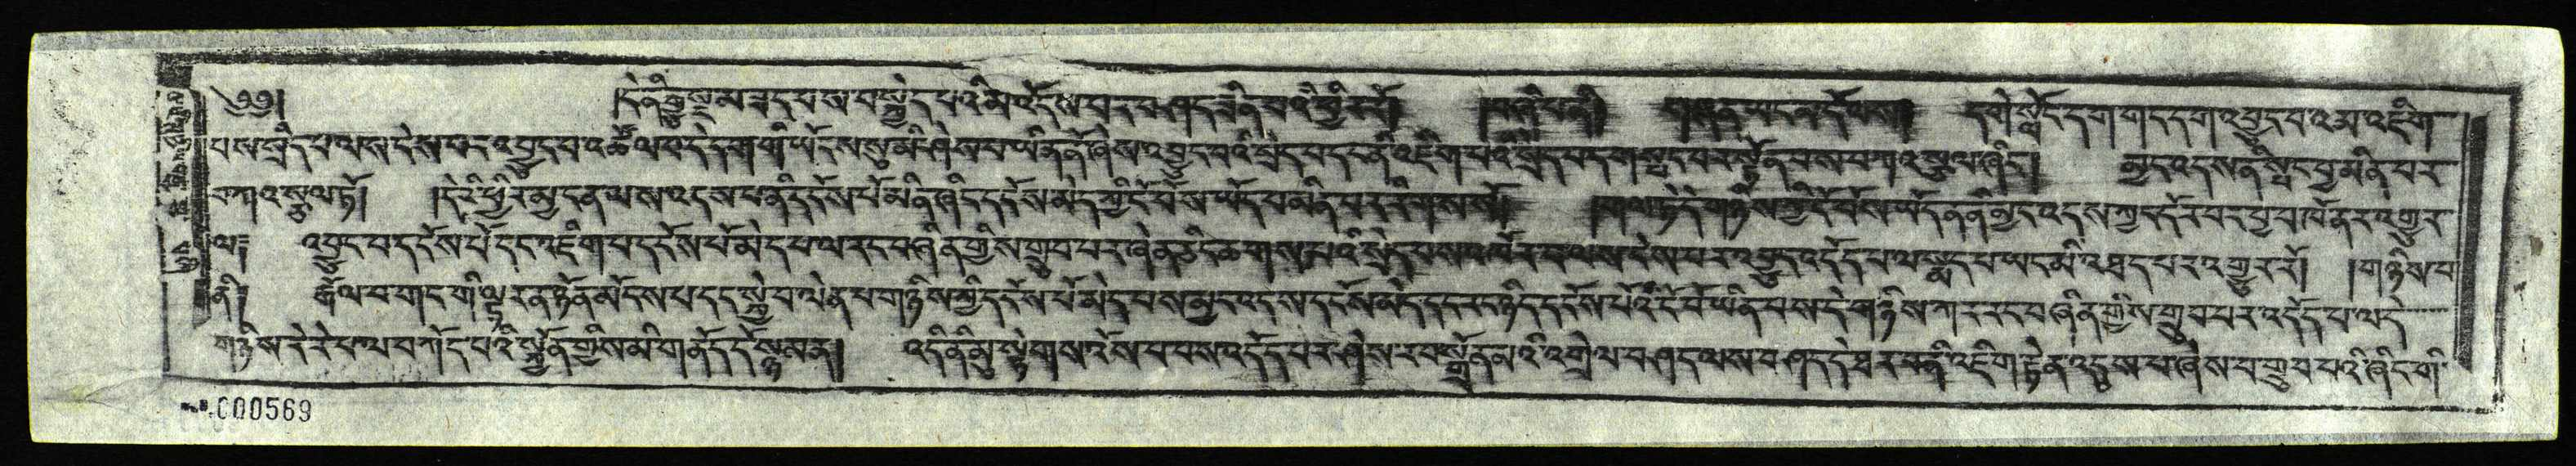༄༅། །དེ་ནི་རྒྱུ་སྔ་མ་ཟད་པས་བསྐྱེད་པའི་མ་འོངས་པར་བཤད་ཟིན་པའི་ཕྱིར་རོ། །བཞི་པ་ནི། གཞན་ཡང་མདོ་ལས། དགེ་སློང་དག་གང་དག་འབྱུང་བ་འམ་འཇིག་
པས་སྲིད་པ་ལས་ངེས་པར་འབྱུང་བ་འཚོལ་བ་དེ་དག་གི་ཡོངས་སུ་མི་ཤེས་པ་ཡིན་ནོ་ཞེས་འབྱུང་བའི་སྲེད་པ་དང་ནི་འཇིག་པའི་སྲེད་པ་དག་སྤང་བར་སྟོན་པས་བཀའ་སྩལ་ཞིང་། མྱང་འདས་ནི་སྤང་བྱ་མིན་པར་
བཀའ་སྩལ་ཏོ། །དེའི་ཕྱིར་མྱ་ངན་ལས་འདས་པ་ནི་དངོས་པོ་མིན་ཞིང་དངོས་མེད་ཀྱི་ངོ་བོས་ཡོད་པ་མིན་པར་རིགས་སོ། །གལ་ཏེ་དེ་གཉིས་ཀྱི་ངོ་བོས་ཡོད་ན་ནི་མྱང་འདས་ཀྱང་ངོར་བར་བྱ་བ་ཁོ་ནར་འགྱུར་
ལ༑ འབྱུང་བ་དངོས་པོ་དང་འཇིག་པ་དངོས་པོ་མེད་པ་ལ་རང་བཞིན་གྱིས་གྲུབ་པར་ཞེན་ཅིང་ཅིང་ཆགས་པའི་སྲེད་པས་འཁོར་བ་ལས་ངེས་པར་འབྱུང་འདོད་པ་ལ་སྨད་པ་ཡང་མི་འཐད་པར་འགྱུར་རོ། །གཉིས་པ་
ནི༑ རྒོལ་བ་གང་གི་ལྟར་ན་ཉོན་མོངས་པ་དང་སྐྱེ་བ་ལེན་པ་གཉིས་ཀྱི་དངོས་པོ་མེད་པས་མྱང་འདས་དངོས་མེད་དང་རང་ཉིད་དངོས་པོའི་ངོ་བོ་ཡིན་པས་དེ་གཉིས་ཀར་རང་བཞིན་གྱིས་གྲུབ་པར་འདོད་པ་ལ་དེ་
གཉིས་རེ་རེ་པ་ལ་བཀོད་པའི་སྐྱོན་གྱིས་མི་གནོད་དོ་སྙམ་ན། འདི་ནི་མུ་སྟེགས་འོས་པ་བས་འདོད་པར་ཤེས་རབ་སྒྲོན་མའི་འགྲེལ་བཤད་ལས་བཤད་དེ་ཐར་བ་ནི་འཇིག་རྟེན་འདུས་པ་ཞེས་པ་གྲུབ་པའི་ཞིང་གི་